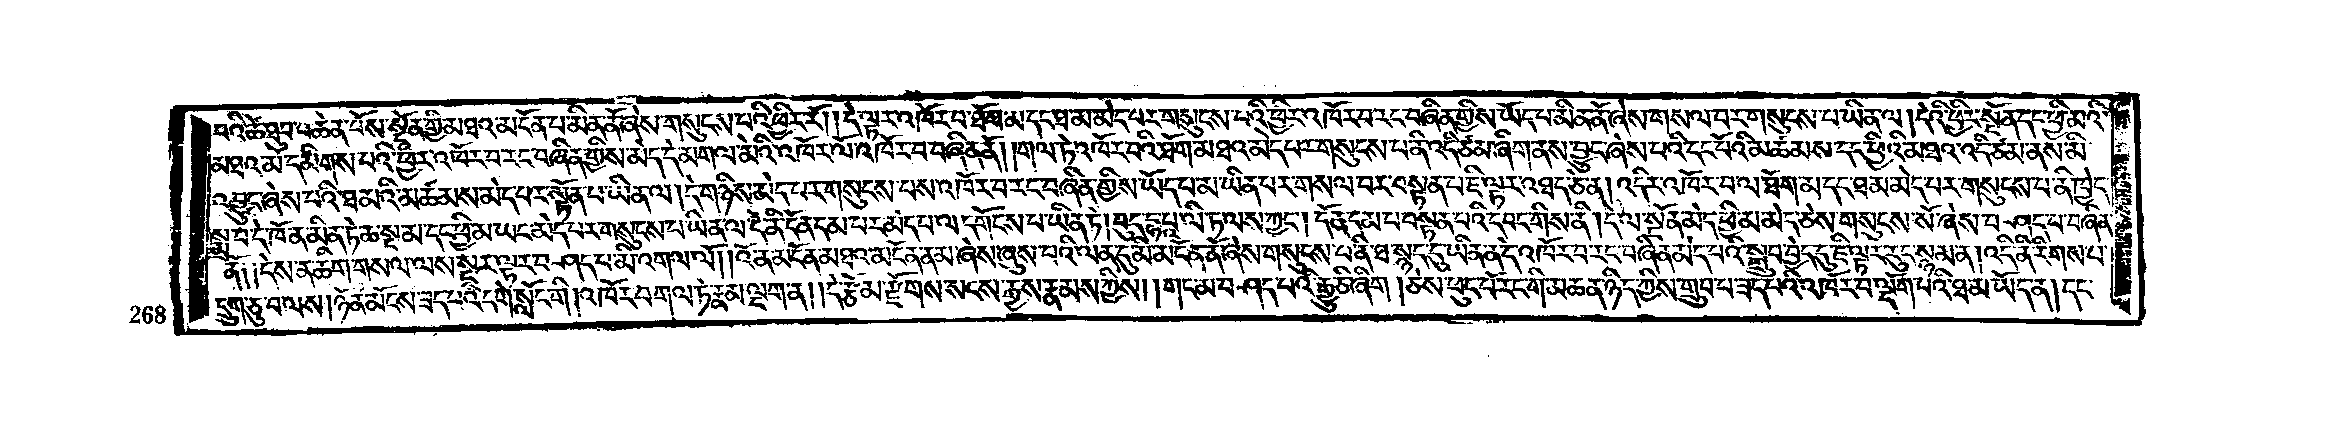པའི་ཚེ་ཐུབ་པ་ཆེན་པོས་སྔོན་གྱི་མཐའ་མངོན་པ་མིན་ནོ་ཞེས་གསུངས་པའི་ཕྱིར་རོ། །དེ་ལྟར་འཁོར་བ་ཐོག་མ་དང་ཐ་མ་མེད་པར་གསུངས་པའི་ཕྱིར་འཁོར་བ་རང་བཞིན་གྱིས་ཡོད་པ་མིན་ནོ་ཞེས་གསལ་བར་གསུངས་པ་ཡིན་ལ། དེའི་ཕྱིར་སྔོན་དང་ཕྱི་མའི་
མཐའ་མ་དམིགས་པའི་ཕྱིར་འཁོར་བ་རང་བཞིན་གྱིས་མེད་དེ་མགལ་མེའི་འཁོར་ལོ་འཁོར་བ་བཞིན་ནོ། །གལ་ཏེ་འཁོར་བའི་ཐོག་མཐའ་མེད་པར་གསུངས་པ་ནི་འདི་ཙམ་ཞིག་ནས་བྱུང་ཞེས་པའི་དང་པོའི་མཚམས་དང་ཕྱིའི་མཐའ་འདི་ཙམ་ནས་མི་
འབྱུང་ཞེས་པའི་ཐ་མའི་མཚམས་མེད་པར་སྟོན་པ་ཡིན་ལ། དེ་གཉིས་མེད་པར་གསུངས་པས་འཁོར་བ་རང་བཞིན་གྱིས་ཡོད་པ་མ་ཡིན་པར་གསལ་བར་བསྟན་པ་ཇི་ལྟར་འཐད་ཅེ་ན། འདིར་འཁོར་བ་ལ་ཐོག་མ་དང་ཐ་མ་མེད་པར་གསུངས་པ་ནི་ཁྱེད་
སྨྲ་བ་དེ་ཁོ་ན་མིན་ཏེ་ཆ་སྔ་མ་དང་ཕྱི་མ་ཡང་མེད་པར་གསུངས་པ་ཡིན་ལ་དེ་ནི་དོན་དམ་པར་མེད་པར་ལ་དགོངས་པ་ཡིན་ཏེ། བུད་དྷ་པཱ་ལི་ཏ་ལས་ཀྱང་། དོན་དམ་པ་བསྟན་པའི་དབང་གིས་ནི། དེ་ལ་སྔོན་མེད་ཕྱི་མ་མེད་ཅེས་གསུངས་སོ་ཞེས་བཤད་པ་བཞིན་
ནོ༑ ༑དེས་ན་ཚིག་གསལ་ལས་སྔར་ལྟར་བཤད་པ་མི་འགལ་ལོ། །འོ་ན་མངོན་མཐའ་མངོན་ནམ་ཞེས་ཞུས་པའི་ལན་དུ་མི་མངོན་ནོ་ཞེས་གསུངས་པ་ནི་ཐ་སྙད་དུ་ཡིན་ན་དེ་འཁོར་བ་རང་བཞིན་མེད་པའི་སྒྲུབ་བྱེད་དུ་ཇི་ལྟར་རུང་སྙམ་ན། འདི་ནི་རིགས་པ་
དྲུག་ཅུ་པ་ལས། ཉོན་མོངས་ཟད་པའི་དགེ་སློང་གི །འཁོར་བ་གལ་ཏེ་རྣམ་ལྡག་ན། །དེ་རྩོམ་རྫོགས་སངས་རྒྱས་རྣམས་ཀྱིས། །གང་མ་བཤད་པའི་རྒྱུ་ཅི་ཞིག །ཅེས་ཕུང་པོ་རང་གི་མཚན་ཉིད་ཀྱིས་གྲུབ་པ་ཟད་པའི་འཁོར་བ་ལྡོག་པའི་ཐ་མ་ཡོད་ན། དང་